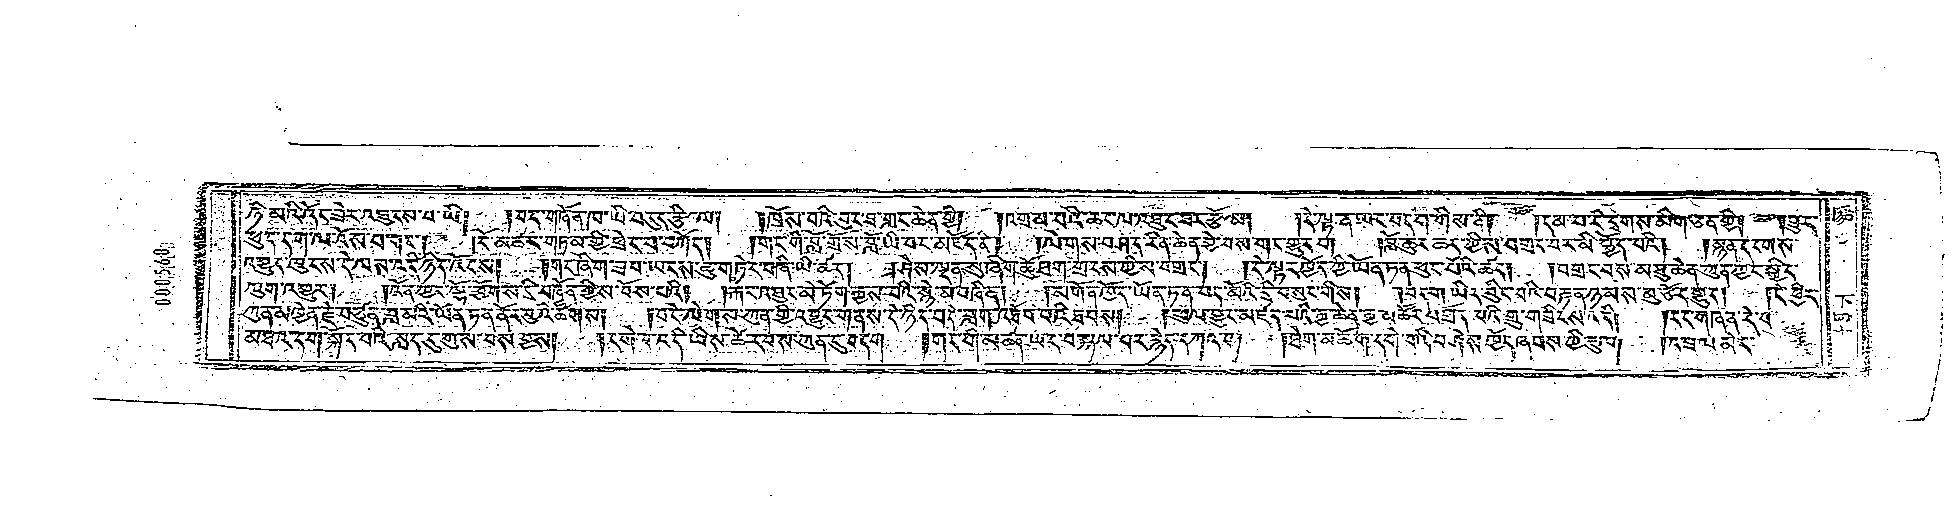ཉི་མའི་འོད་ཟེར་འཐུངས་པ་ཡི། །བད་གཞོན་ཁ་ཡི་བདུད་རྩི་ལ། །ཁྲོས་བའི་བུང་ཐ་གླང་ཆེན་གྱི། །འགྲམ་བའི་ཆང་ལ་འཐུང་ཐར་རྩོམ། །དེ་ལྟ་ན་ཡང་བདག་གིས་ནི། །དམ་པ་རི་དྭགས་མིག་ཅན་གྱི། །ཟུར་
ཕུད་དག་ལ་འོས་པ་གང་། །ངོ་མཚར་གཏམ་གྱི་ཕྲེང་བ་བཀོད། །གང་གི་བློ་གྲོས་བློ་ཡི་བང་མཛོད་ནི། །ལེགས་བཤད་རིན་ཆེན་བྱེ་བས་གང་གྱུར་བ། །བློ་ཆུང་ཆད་ཀྱིས་བགྲང་བར་མི་སྤྱོད་པའི། །སྙན་དངགས་
འབྱུང་ཁུངས་དེ་ལས་འདི་ཉིད་འོངས། །གང་ཞིག་ཟབ་ཡངས་ཆུ་གཏེང་བཞི་ཡི་ཚད། །ཤེས་ལྡན་སུ་ཞིག་ཚུ་ཐག་གྲངས་ཀྱིས་བགྲང་། །དེ་ལྟར་ཁྱོད་ཀྱི་ཡོན་ཏན་ཕུང་པོའི་ཚད། །བགྲང་བས་མཐུ་ཆེན་ཀུན་ཀྱང་སྐྱིད་
ལུག་འགྱུར། །འོན་ཀྱང་ལྷོ་ཕྱོགས་དྲི་བཞོན་གྱིས་བོས་པའི། །རྐང་འཐུང་མོ་ཏོག་རྒྱས་བའི་སྙེ་མ་བཞིན། །མགོན་ཁྱོད་ཡོན་ཏན་བད་མོའི་དྲི་བསུང་གིས། །བདག་ཡིད་བུཨིང?་བའི་བརྟན་ཉམས་མུ་ཅོར་གྱུར། །དེ་ཕྱིར་
ཀུན་མཁྱེན་རྗེ་བཙུན་བླ་མའི་ཡོན་ཏན་ནོར་བུའི་ཚགས། །བདེ་ལེགས་ཀུན་གྱི་འབྱུང་གནས་དེ་ཉིད་བདེ་བླག་འཐོབ་བའི་ཐབས། །ཕུལ་བྱུང་མཛད་པའི་རྒྱ་ཆེན་རྒྱ་མཚོར་བགྲོད་པའི་གྲུ་གཟིངས་འདི། །རང་གཞན་རེ་བ་
མཐའ་དག་སྐོར་བའི་སླད་དུ་གུས་པས་བྱས། །དགེ་བ་འདི་ཡིས་ཚེ་རབས་ཀུན་དུ་བདག །གང་གི་མཚན་ཡང་བསྐལ་པར་རྙེད་དཀའ་བ། །ཐེག་མཆོག་དགེ་བའི་བཤེས་ཁྱོད་ཞབས་ཀྱི་རྡུལ། །འབྲལ་མེད་